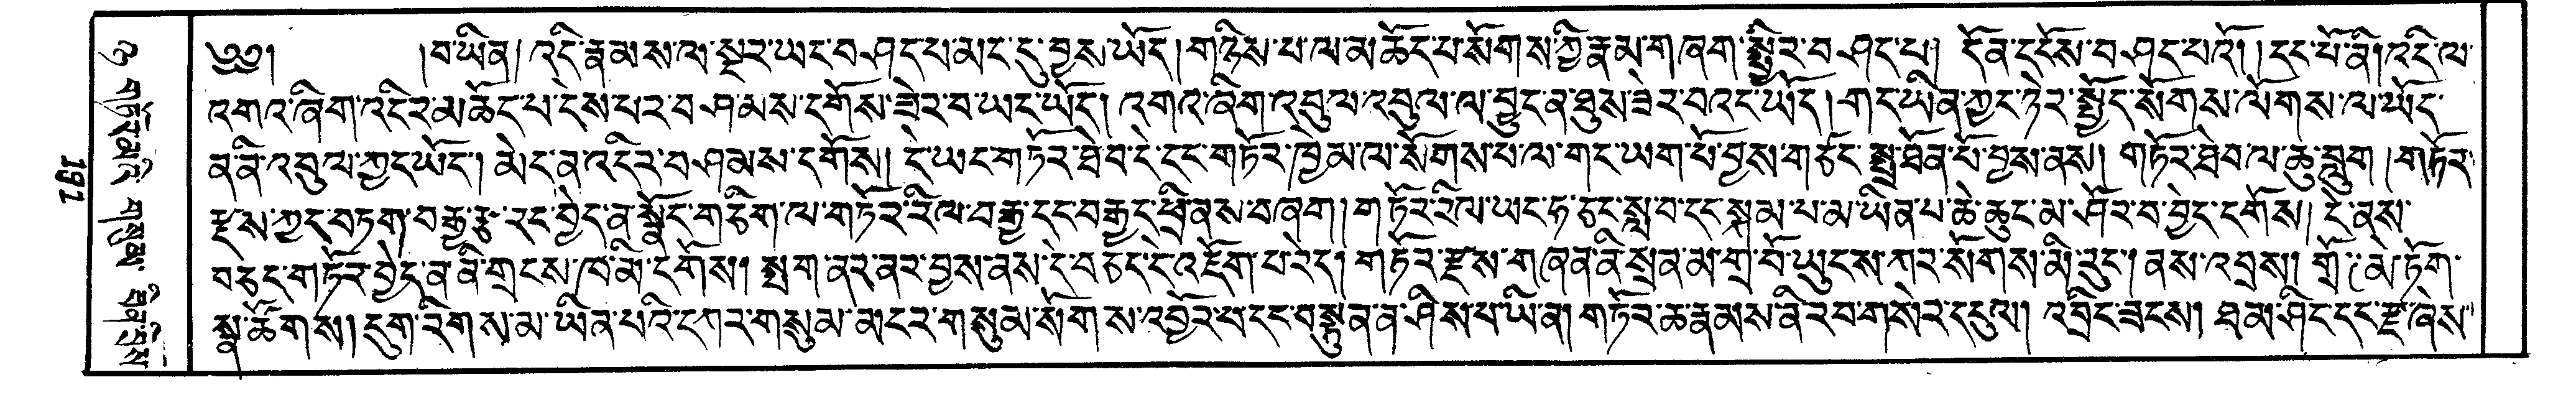༄༅། །བ་ཡིན། འདི་རྣམས་ལ་སྔར་ཡང་བཤད་པ་མང་དུ་བྱས་ཡོད། གཉིས་པ་ལ་མཆོད་པ་སོགས་ཀྱི་རྣམ་གཞག་སྤྱིར་བཤད་པ། དོན་དངོས་བཤད་པའོ། །དང་པོ་ནི། འདི་ལ་
འགའ་ཞིག་འདིར་མཆོད་པ་ངེས་པར་བཤམས་དགོས་ཟེར་པ་ཡང་ཡོད། འགའ་ཞིག་འབུལ་འབུལ་ལ་བྱུང་ན་ཐུས་ཟེར་པའང་ཡོད། གང་ཡིན་ཀྱང་ཉེར་སྤྱོད་སོགས་ལོགས་ལ་ཡོད་
ན་ནི་འབུལ་ཀྱང་ཡོང་། མེད་ན་འདིར་བཤམས་དགོས། དེ་ཡང་གཏོར་ཐེབ་དེ་དང་གཏོར་ཁྱེམ་ལ་སོགས་པ་ལ་གང་ཡག་པོ་བྱས་གཙང་སྤྲ་ཐོན་པོ་བྱས་ནས། གཏོར་ཐེབ་ལ་ཆུ་བླུག །གཏོར་
རྫས་ཀྱང་བཏབ། བརྒྱ་རྩ་རང་བྱེད་ན་སྣོང་གཅིག་ལ་གཏོར་རིལ་བརྒྱ་དང་བརྒྱད་ཕྲི་ནས་བཞག །གཏོར་རིལ་ཡང་ཧ་ཅང་སླ་བ་དང་སྐམ་པ་མ་ཡིན་པ་ཆེ་ཆུང་མ་ཤོར་བ་བྱེད་དགོས། དེ་ནས་
བཅད་གཏོར་བྱེད་ན་ནི་གྲངས་ཁ་མི་དགོས། སྤག་ནར་ནར་བྱས་ནས་དེ་བཅད་དེ་འཇོག་པ་རེད། གཏོར་རྫས་གཞན་ནི་སྲན་མ་གྲ་བོ་ཡུང་ས་ཀར་སོགས་མི་རུང་། ནས་འབྲས། གྲོ༑ མེ་ཏོག་
སྣ་ཚོགས། དུག་རིགས་མ་ཡིན་པའི་དཀར་གསུམ་མངར་གསུམ་སོགས་འབྱོར་བ་དང་བསྟུན་ན་ཤིས་པ་ཡིན། གཏོར་ཆ་རྣམས་ནི་རབ་གསེར་དངུལ། འབྲིང་ཟངས། ཐ་མ་ཤིང་དང་རྫས་ཞེས་